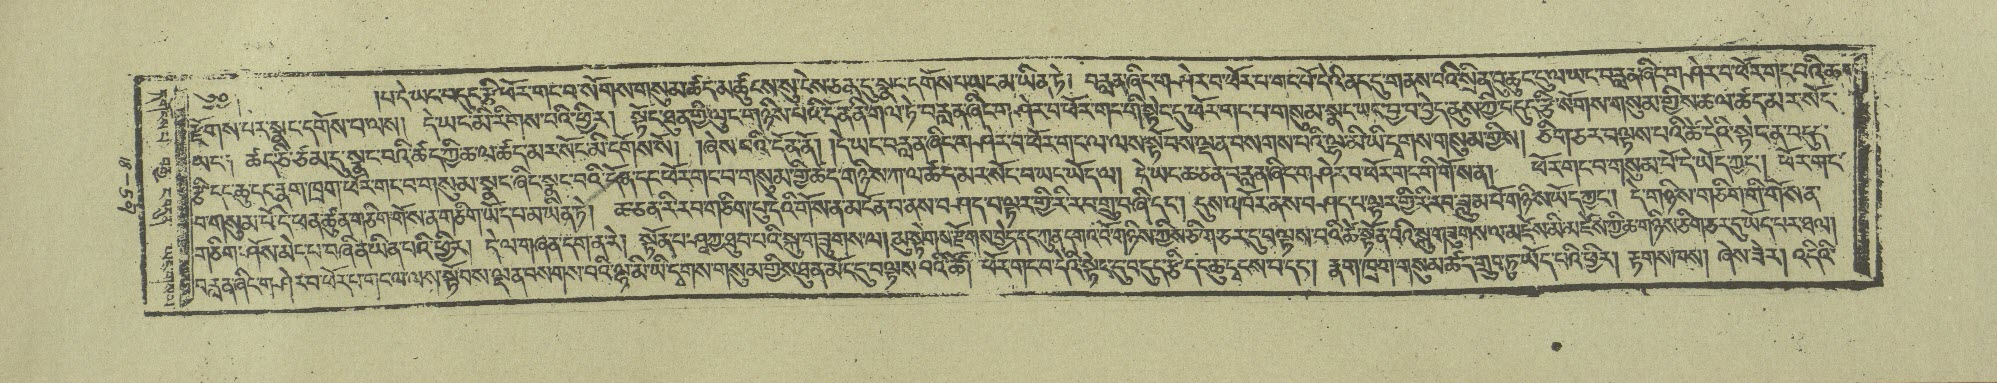༄༅། །པ་དེ་ཡང་བདུད་རྩི་ཕོར་གང་བ་སོགས་གསུམ་ཚད་མཚུངས་སུ་ངེས་ཅན་དུ་སྣང་དགོས་པ་ཡང་མ་ཡིན་ཏེ། བརླན་ཞིང་གཤེར་པ་ཕོར་བ་གང་པོ་དེའི་ནང་དུ་གནས་པའི་སྲིན་བུ་ཆུང་དུ་ལ་ཡང་བརླན་ཞིང་གཤེར་པ་ཕོར་གང་བའི་ཆང་
རྫོགས་པར་སྣང་དགོས་པ་ལས། དེ་ཡང་མི་རིགས་པའི་ཕྱིར། སྟོང་ཐུན་གྱི་ལུང་གཉིས་པའི་དོན་ནི་གལ་ཏེ་བརླན་ཞིང་གཤེར་པ་ཕོར་གང་གི་སྟེང་དུ་ཕོར་གང་པ་གསུམ་སྣང་ཡང་བྱ་བ་བྱེད་ནུས་ཀྱི་བདུད་རྩི་སོགས་གསུམ་གྱིས་ཆ་ལ་ཚད་མར་སོང་
ཡང་། །ཚད་ཅི་ཙམ་དུ་སྣང་བའི་ཚད་ཀྱི་ཆ་ལ་ཚད་མར་སོང་མི་དགོས་སོ། །ཞེས་པའི་དོན་ནོ། །དེ་ཡང་བརླན་ཞིང་གཤེར་པ་ཕོར་གང་ལ་ལས་སྟོབས་ལྡན་བསགས་པའི་ལྷ་མི་ཡི་དྭགས་གསུམ་གྱིས། ཅིག་ཅར་བལྟས་པའི་ཚེ་དེའི་སྟེང་ན་བདུད་
རྩི་དང་ཆུ་དང་རྣག་ཁྲག་ཕེར་གང་བ་གསུམ་སྣང་ཞིང་སྣང་བའི་དོན་དང་ཕོར་གང་བ་གསུམ་གྱི་ཚད་གཉིས་ཀ་ལ་ཚད་མར་སོང་བ་ཡང་ཡོད་ལ། དེ་ཡང་ཆ་ཅན་བརླན་ཞིང་གཤེར་བ་ཕོར་གང་གི་གོ་ས་ན། ཕོར་གང་བ་གསུམ་པོ་དེ་ཡོད་ཀྱང་། ཕོར་གང་
བ་གསུམ་པོ་དེ་ཕན་ཚུན་གཅིག་གོས་ན་གཅིག་ཡོད་པ་མ་ཡིན་ཏེ། ཆ་ཅན་རི་རབ་གཅིག་པུ་དེའི་གོས་ན་མངོན་པ་ནས་བཤད་པ་ལྟར་གྱི་རི་རབ་གྲུ་བཞི་དང་། དུས་འཁོར་ནས་བཤད་པ་ལྟར་གྱི་རི་རབ་ཟླུམ་པོ་གཉིས་ཡོད་ཀྱང་། དེ་གཉིས་གཅིག་གི་གོས་ན་
གཅིག་ཤོས་མེད་པ་བཞིན་ཡིན་པའི་ཕྱིར། དེ་ལ་གཞན་དག་ན་རེ། སྟོན་པ་ཤཱཀྱ་ཐུབ་པའི་སྐུ་གཟུགས་ལ། མུ་སྟེགས་རྫོགས་བྱེད་དང་ཀུན་དགའ་བོ་གཉིས་ཀྱིས་ཅིག་ཅར་དུ་བལྟས་པའི་ཚེ་སྟོན་པའི་སྐུ་གཟུགས་ལ་མཛེས་མི་མཛེས་ཀྱི་ཆ་གཉིས་ཅིག་ཅར་དུ་ཡོད་པར་ཐལ།
བརླན་ཞིང་གཤེར་པ་ཕོར་པ་གང་ལ་ལས་སྟོབས་ལྡན་བསགས་པའི་ལྷ་མི་ཡི་དྭགས་གསུམ་གྱིས་ཐུན་མོང་དུ་བལྟས་པའི་ཚོ། ཕོར་གང་བ་དེའི་སྟེང་དུ་བདུད་རྩི་དང་ཆུ་དྭངས་བ་དང་། རྣག་ཁྲག་གསུམ་ཚད་གྲུབ་ཏུ་ཡོད་པའི་ཕྱིར། རྟགས་ཁས། ཞེས་ཟེར། འདིའི་